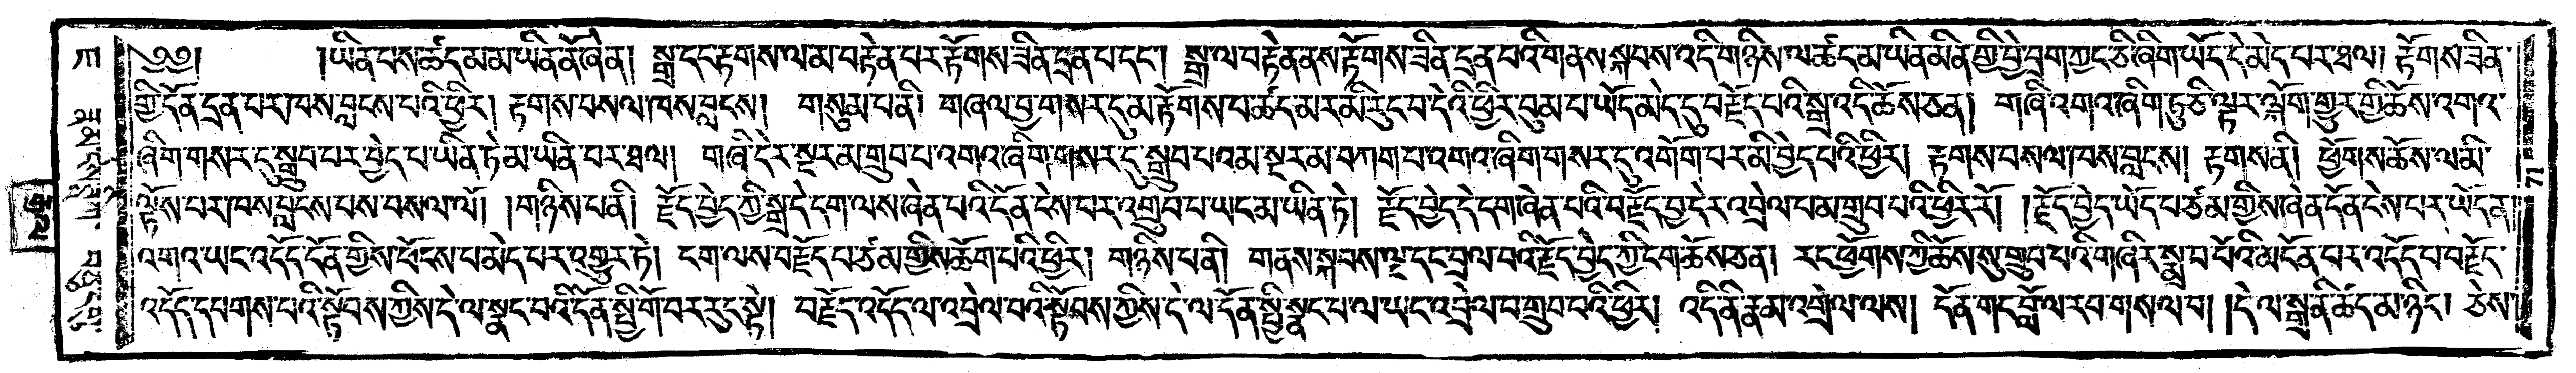༄༅། །ཡིན་པས་ཚད་མ་མ་ཡིན་ནོ་ཞེ་ན། སྒྲ་དང་རྟགས་ལ་མ་བརྟེན་པར་རྟོགས་ཟིན་དྲན་པ་དང་། སྒྲ་ལ་བརྟེན་ནས་རྟོགས་ཟིན་དྲན་པའི་གནས་སྐབས་འདི་གཉིས་ལ་ཚད་མ་ཡིན་མིན་གྱི་བྱེ་བྲག་ཀྱང་ཅི་ཞིག་ཡོད་དེ་མེད་པར་ཐལ། རྟོགས་ཟིན་
གྱི་དོན་དྲན་པར་ཁས་བླངས་པའི་ཕྱིར། རྟགས་བསལ་ཁས་བླངས། གསུམ་པ་ནི། གཞལ་བྱ་གསར་དུ་མ་རྟོགས་པ་ཚད་མར་མི་རུང་བ་དེའི་ཕྱིར་བུམ་པ་ཡོད་མེད་དུ་བརྗོད་པའི་སྒྲ་འདི་ཆོས་ཅན། གཞི་འགའ་ཞིག་ཏུ་ཅི་ལྟར་ལྐོག་གྱུར་གྱི་ཆོས་འགའ་
ཞིག་གསར་དུ་སྒྲུབ་པར་བྱེད་པ་ཡིན་ཏེ་མ་ཡིན་པར་ཐལ། གཞི་དེར་སྔར་མ་གྲུབ་པ་འགའ་ཞིག་གསར་དུ་སྒྲུབ་པའམ་སྔར་མ་བཀག་པ་འགའ་ཞིག་གསར་དུ་འགོག་པར་མི་བྱེད་པའི་ཕྱིར། རྟགས་བསལ་ཁས་བླངས། རྟགས་ནི། ཕྱོགས་ཆོས་ལ་མི་
ལྟོས་པར་ཁས་བླངས་པས་བསལ་ལོ། །གཉིས་པ་ནི། རྗོད་བྱེད་ཀྱི་སྒྲ་དེ་དག་ལས་ཞེན་པའི་དོན་ངེས་པར་འགྲུབ་པ་ཡང་མ་ཡིན་ཏེ། རྗོད་བྱེད་དེ་དག་ཞེན་པའི་བརྗོད་བྱ་དེར་འབྲེལ་པ་མ་གྲུབ་པའི་ཕྱིར་རོ། །རྗོད་བྱེད་ཡོད་པ་ཙམ་གྱིས་ཞེན་དོན་ངེས་པར་ཡོད་ན།
འགའ་ཡང་འདོད་དོན་གྱིས་ཕོངས་པ་མེད་པར་འགྱུར་ཏེ། ངག་ལས་བརྗོད་པ་ཙམ་གྱིས་ཆོག་པའི་ཕྱིར། གཉིས་པ་ནི། གནས་སྐབས་ལྔ་དང་བྲལ་བའི་རྗོད་བྱེད་ཀྱི་ངག་ཆོས་ཅན། རང་ཕྱོགས་ཀྱི་ཆོས་སུ་གྲུབ་པའི་གཞིར་སྨྲ་བ་པོའི་མངོན་པར་འདོད་པ་བརྗོད་
འདོད་དཔགས་པའི་སྟོབས་ཀྱིས་དེ་ལ་སྣང་བའི་དོན་སྤྱི་གོ་བར་རུང་སྟེ། བརྗོད་འདོད་ལ་འབྲེལ་བའི་སྟོབས་ཀྱིས་དེ་ལ་དོན་སྤྱི་སྣང་པ་ལ་ཡང་འབྲེལ་པ་གྲུབ་པའི་ཕྱིར། འདི་ནི་རྣམ་འགྲེལ་ལས། དོན་གང་བློ་ལ་རབ་གསལ་བ། །དེ་ལ་སྒྲ་ནི་ཚད་མ་ཉིད། ཅེས་